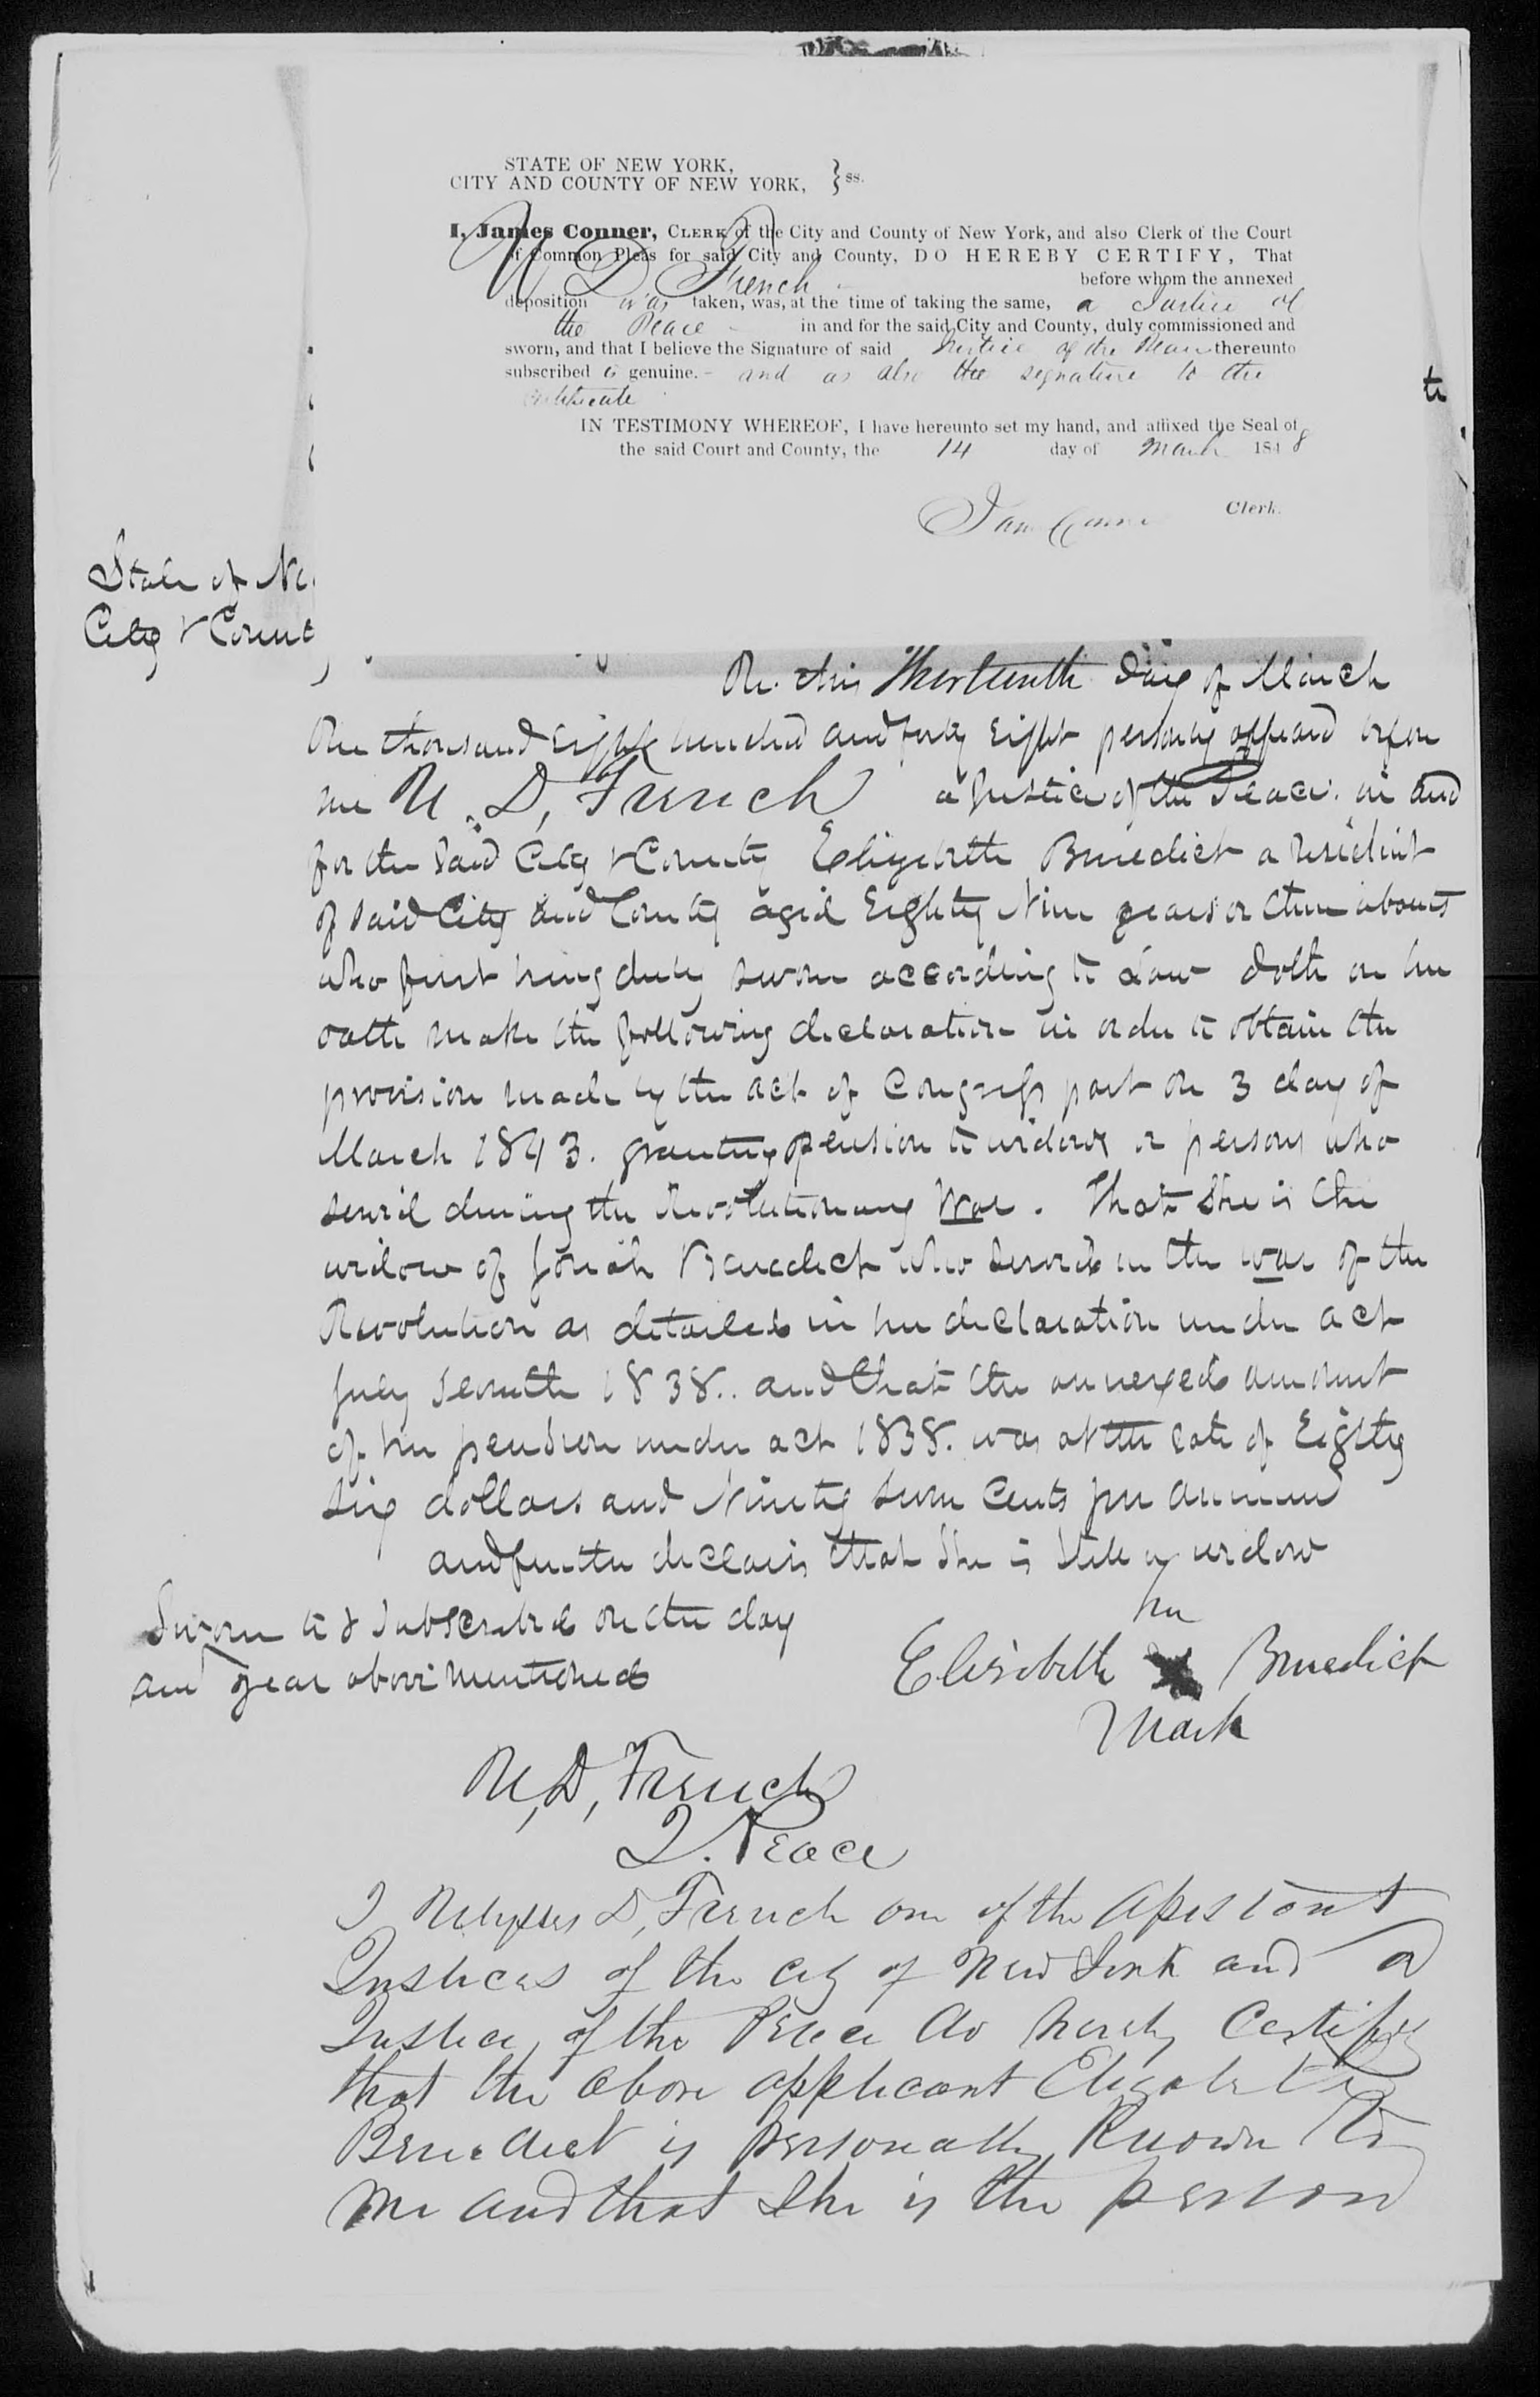STATE OF NEW YORK.       }
CITY AND COUNTY OF NEW YORK,} SS.

I, James Conner, CLERK of the City and County of New York, and also Clerk of the Court
Common Pleas for said City and County, DO HEREBY CERTIFY, That
U D French     before whom the annexed
deposition was taken, was, at the time of taking the same, a Justice of
the  Peace in and for the said City and County, duly commissioned and
sworn, and that I believe the signature of said Justice of the Peace thereunto
subscribed is genuine, and as also the signature to the
Certificate
         IN TESTIMONY WHEREOF, I have hereunto set my hand, and affixed the Seal of
the said Court and County, the 14 day of March 1848
                                       James Conner  Clerk

State of New
City & County
                                           On this Ninteenth day of March
One thousand Eight hundred and forty Eight personaly appeared before
me U.D. French a Justice of the Peace in and
for the said City & County Elizabeth Benedict a resident
of said City and County aged Eighty nine years or there about
who first being duly sworn according to Law doth on her
oath make the following declaration in order to obtain the
provision made by the act of Congress past on 3 day of
March 1843 granting pension to widows of persons who
served during the Revolutionary War. That she is the
widow of Jonah Benedict who served in the war of the
Revolution as detailed in her declaration under act
July Seventh 1838 and that the annexed amount
of her pension under act 1838, was at the rate of Eighty
six dollars and Ninety Seven cents per annum
      and further declares that she is still a widow
Sworn to & Subscribed on the day                                 her
and year above mentioned                            Elizabeth    X   Benedict
                                                                                      mark   
        U.D. French
              J. Peace
I, Ulysses D. French one of the Assistant
Justices of the City of New York and a
Justice of the Peace do hereby certify
that the above applicant Elizabeth
Benedict is personally known to
me and that she is the person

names: James Conner, James Conner, U D French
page: 49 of 56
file: [ILLEGIBLE], Jonah Benedict, Conn.